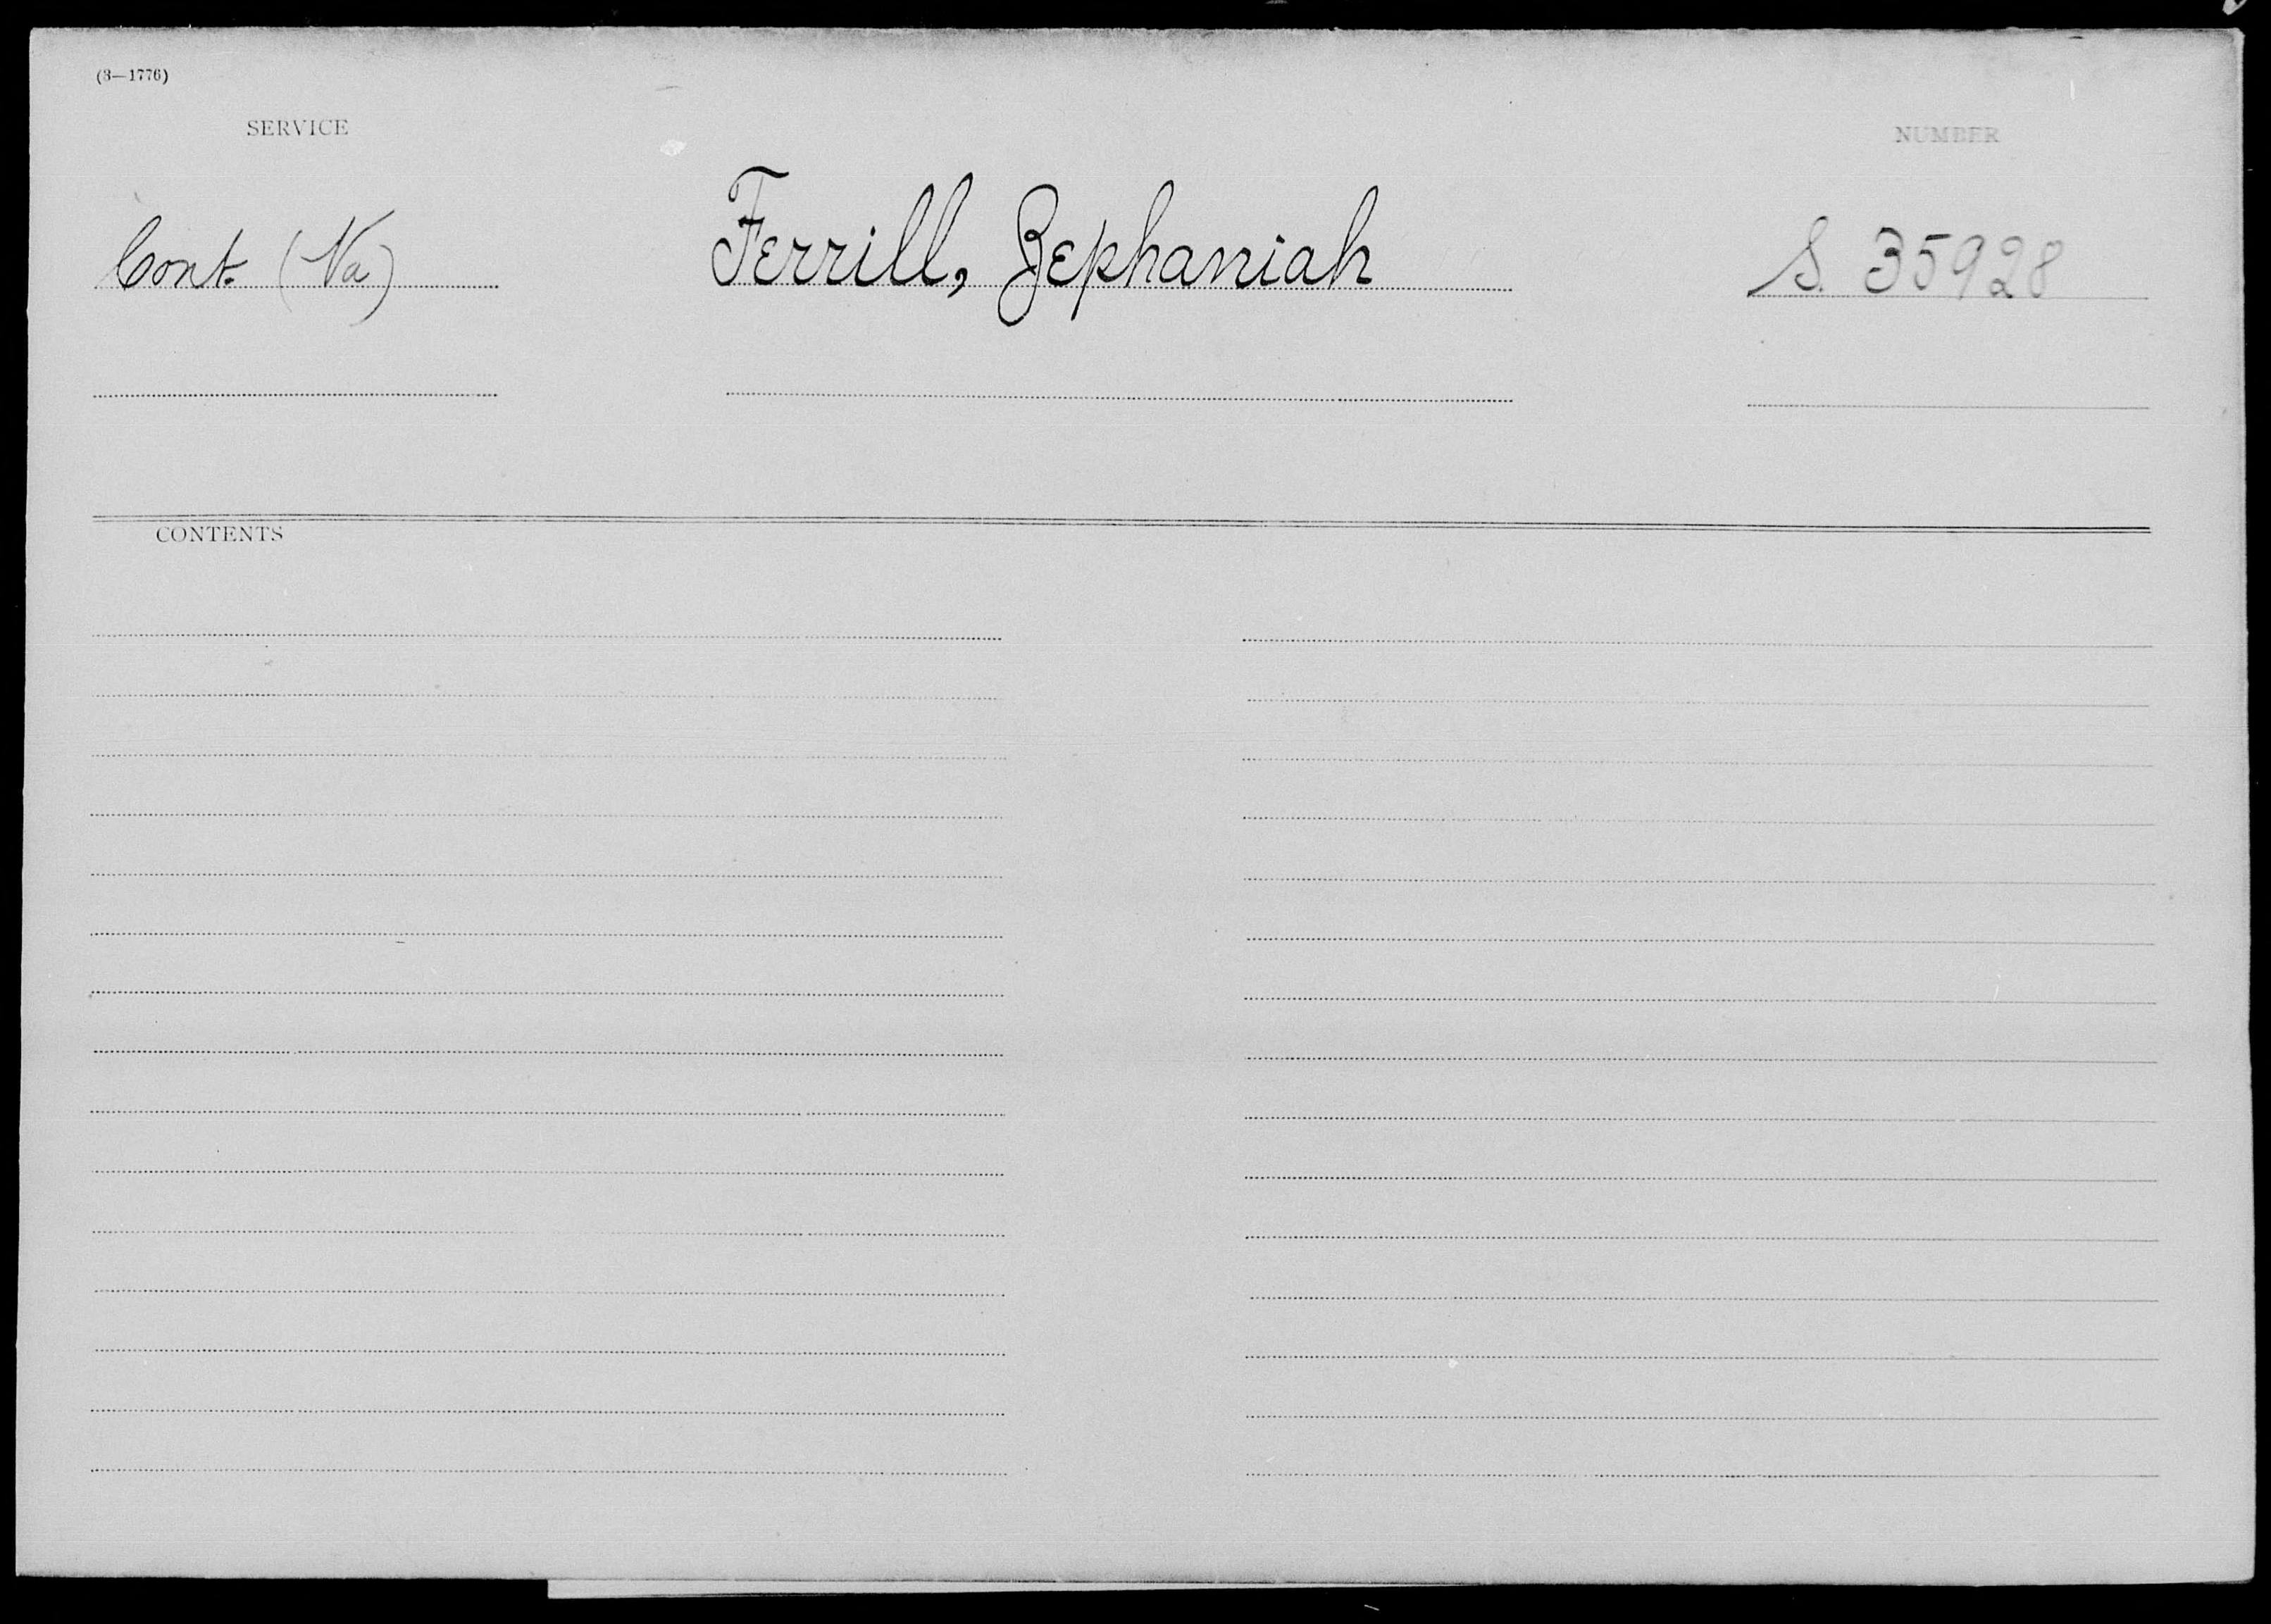(3 - 1776)
SERVICE
Cont. (VA)
Ferrill, Zephaniah
NUMBER
S. 35928
CONTENTS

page: 1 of 12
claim: survivor's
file: S. 35928, Zephaniah Ferrill, Cont. (Va)